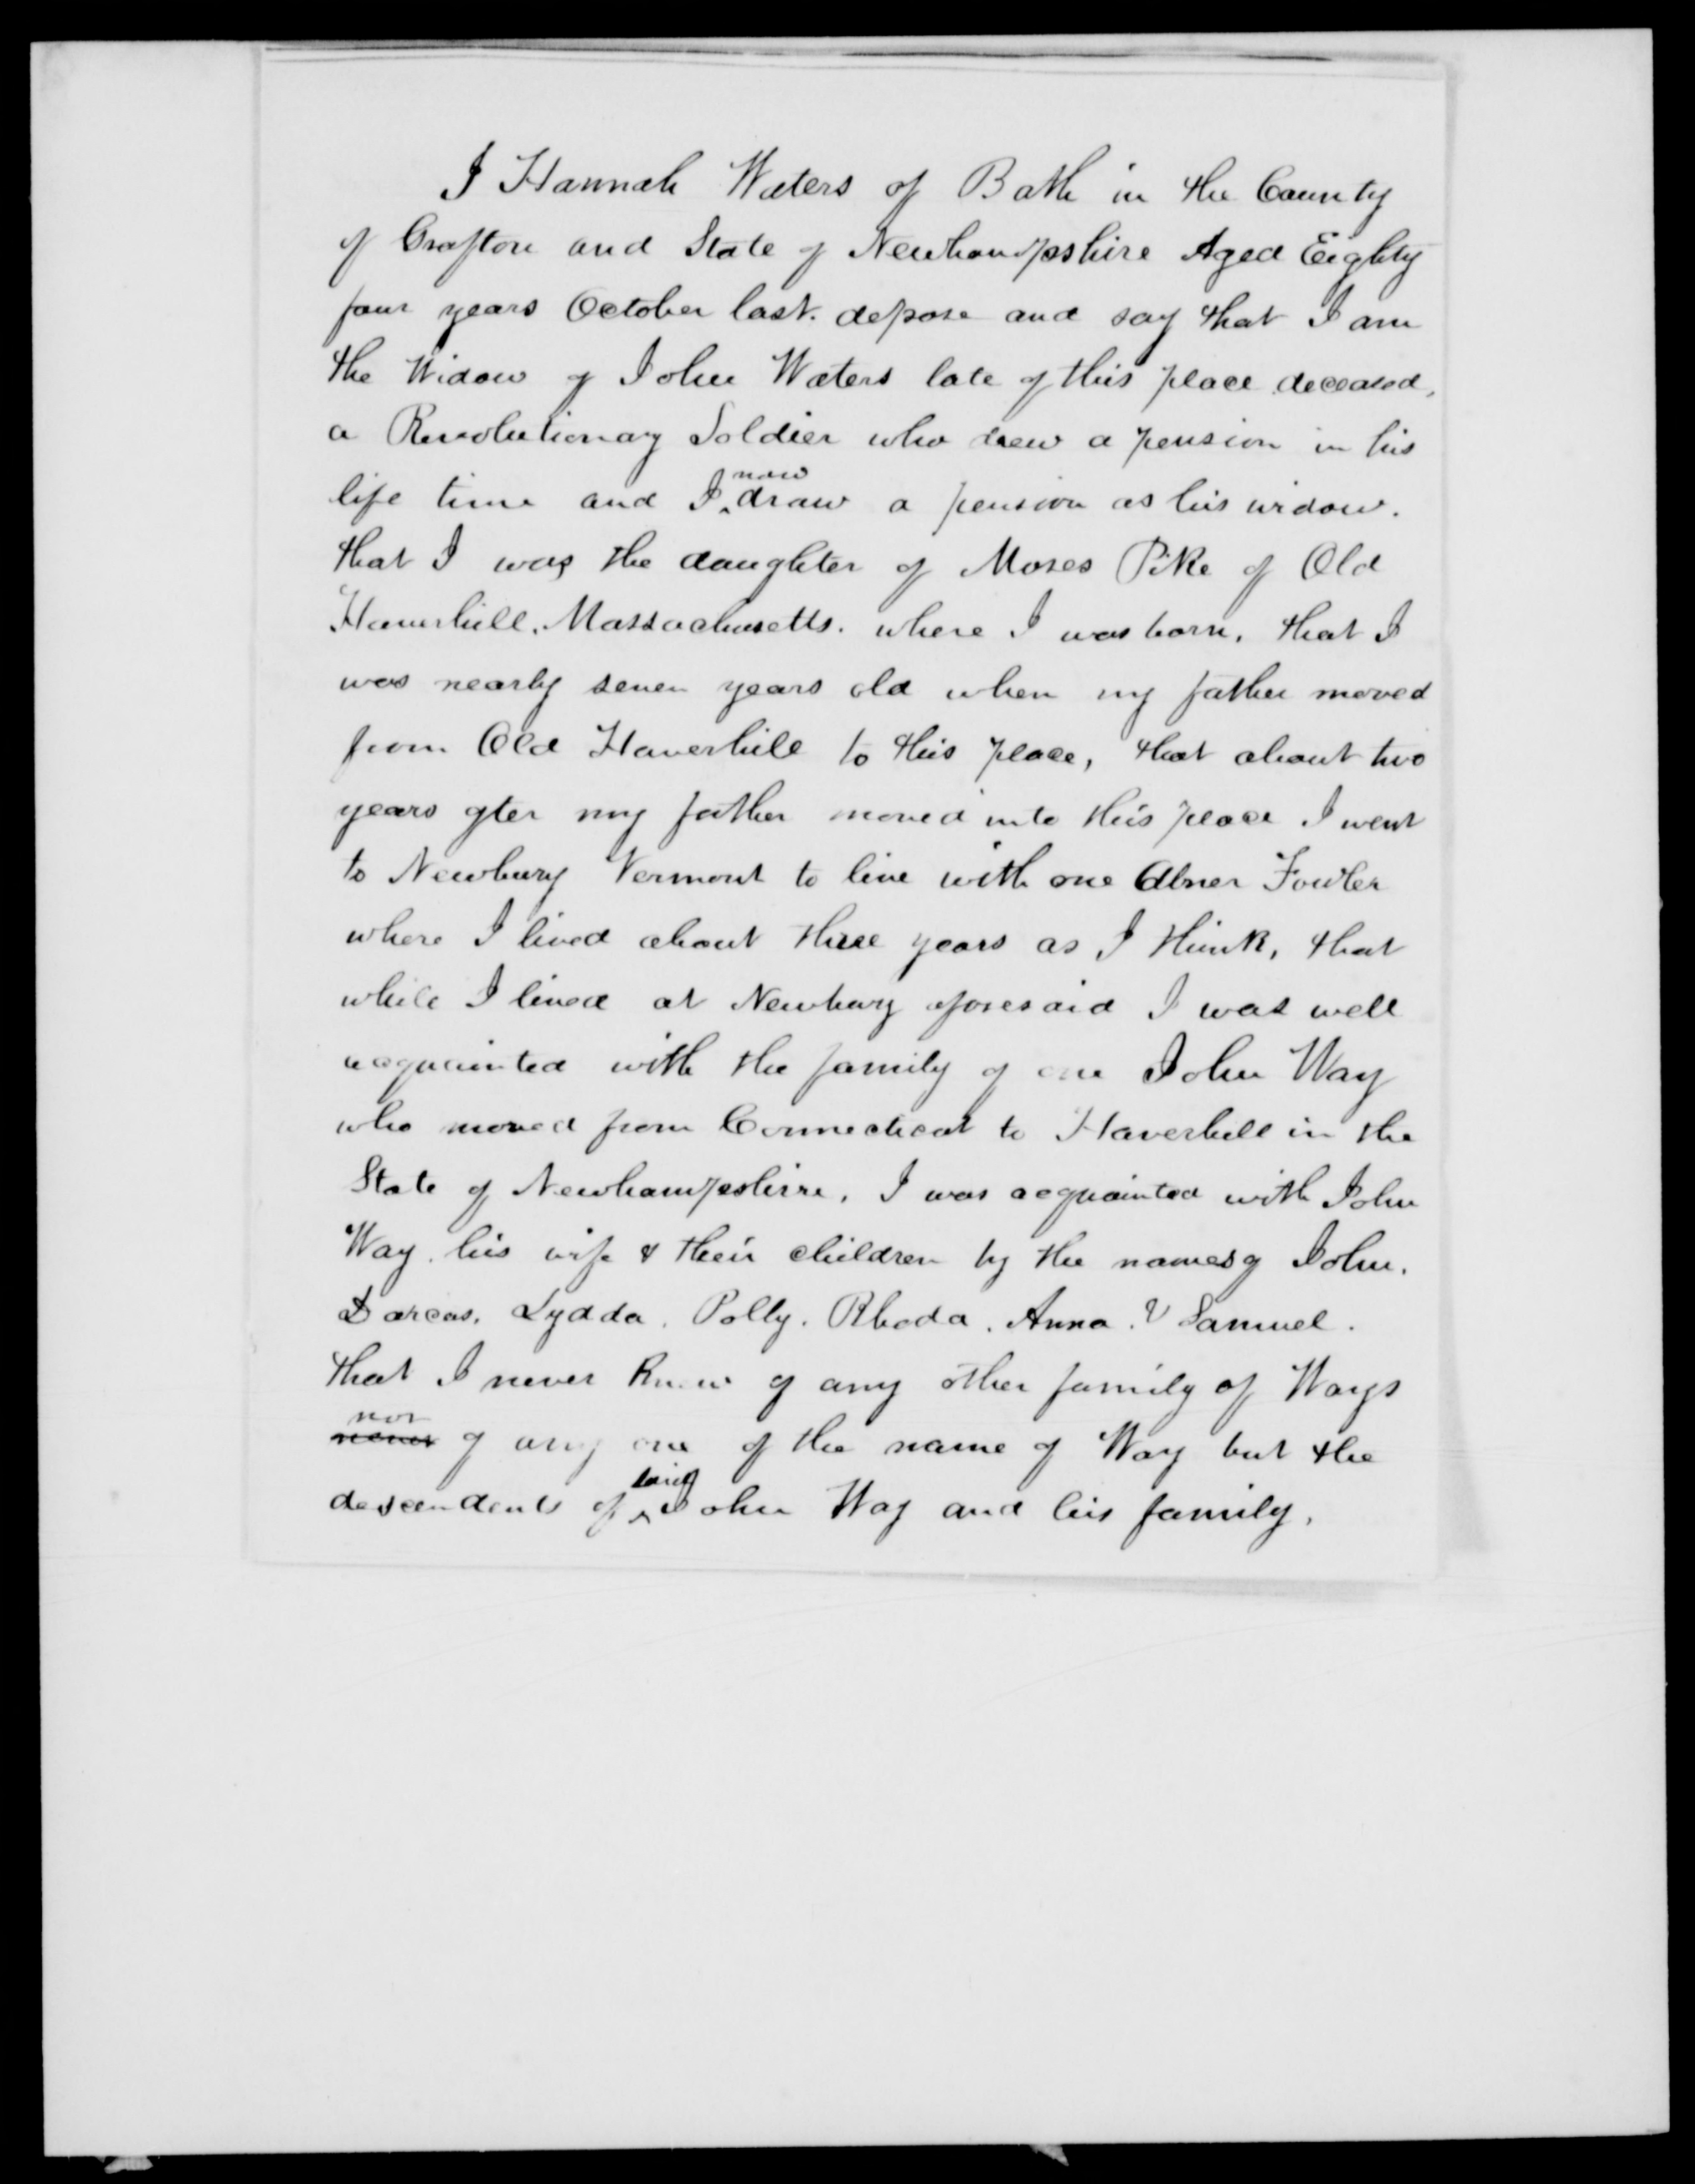I Hannah Waters of Bath in the County
of Grafton and State of Newhampshire Aged Eighty
four years October last, depose and say that I am
the Widow of John Waters late of this place deceased,
a Revolutionary Soldier who drew a pension in his
life time and now draw a pension as his widow.
that I was the daughter of Moses Pike of Old
Howell, Massachusetts, where I was born, that I
was nearly seven years old when my father moved
from Old Haverhill to this place, that about two
years for my father moved into this place I went
to Newbury Vermont to live with one Abner Fowler
where I lived about three years as I think, that
while I lived at Newberry aforesaid I was well
acquainted with the family of one John Way
who moved from Connecticut to Haverhill in the
State of Newhampshire, I was acquainted with John
Way his wife & their children by the names John
Dorcas, Lydda, Polly, Rhoda, Anna & Samuel
that I never knew of any other family of Ways
nor of any one of the name of Way but the
descendents of said John Way and his family.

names: Polly, Anna, Moses Pike, Darcas, Lydda, John Way, Rhoda, Samuel, Hannah Waters, John Waters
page: 3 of 78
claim: widow's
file: W. 25856, Samuel Way, N.H.